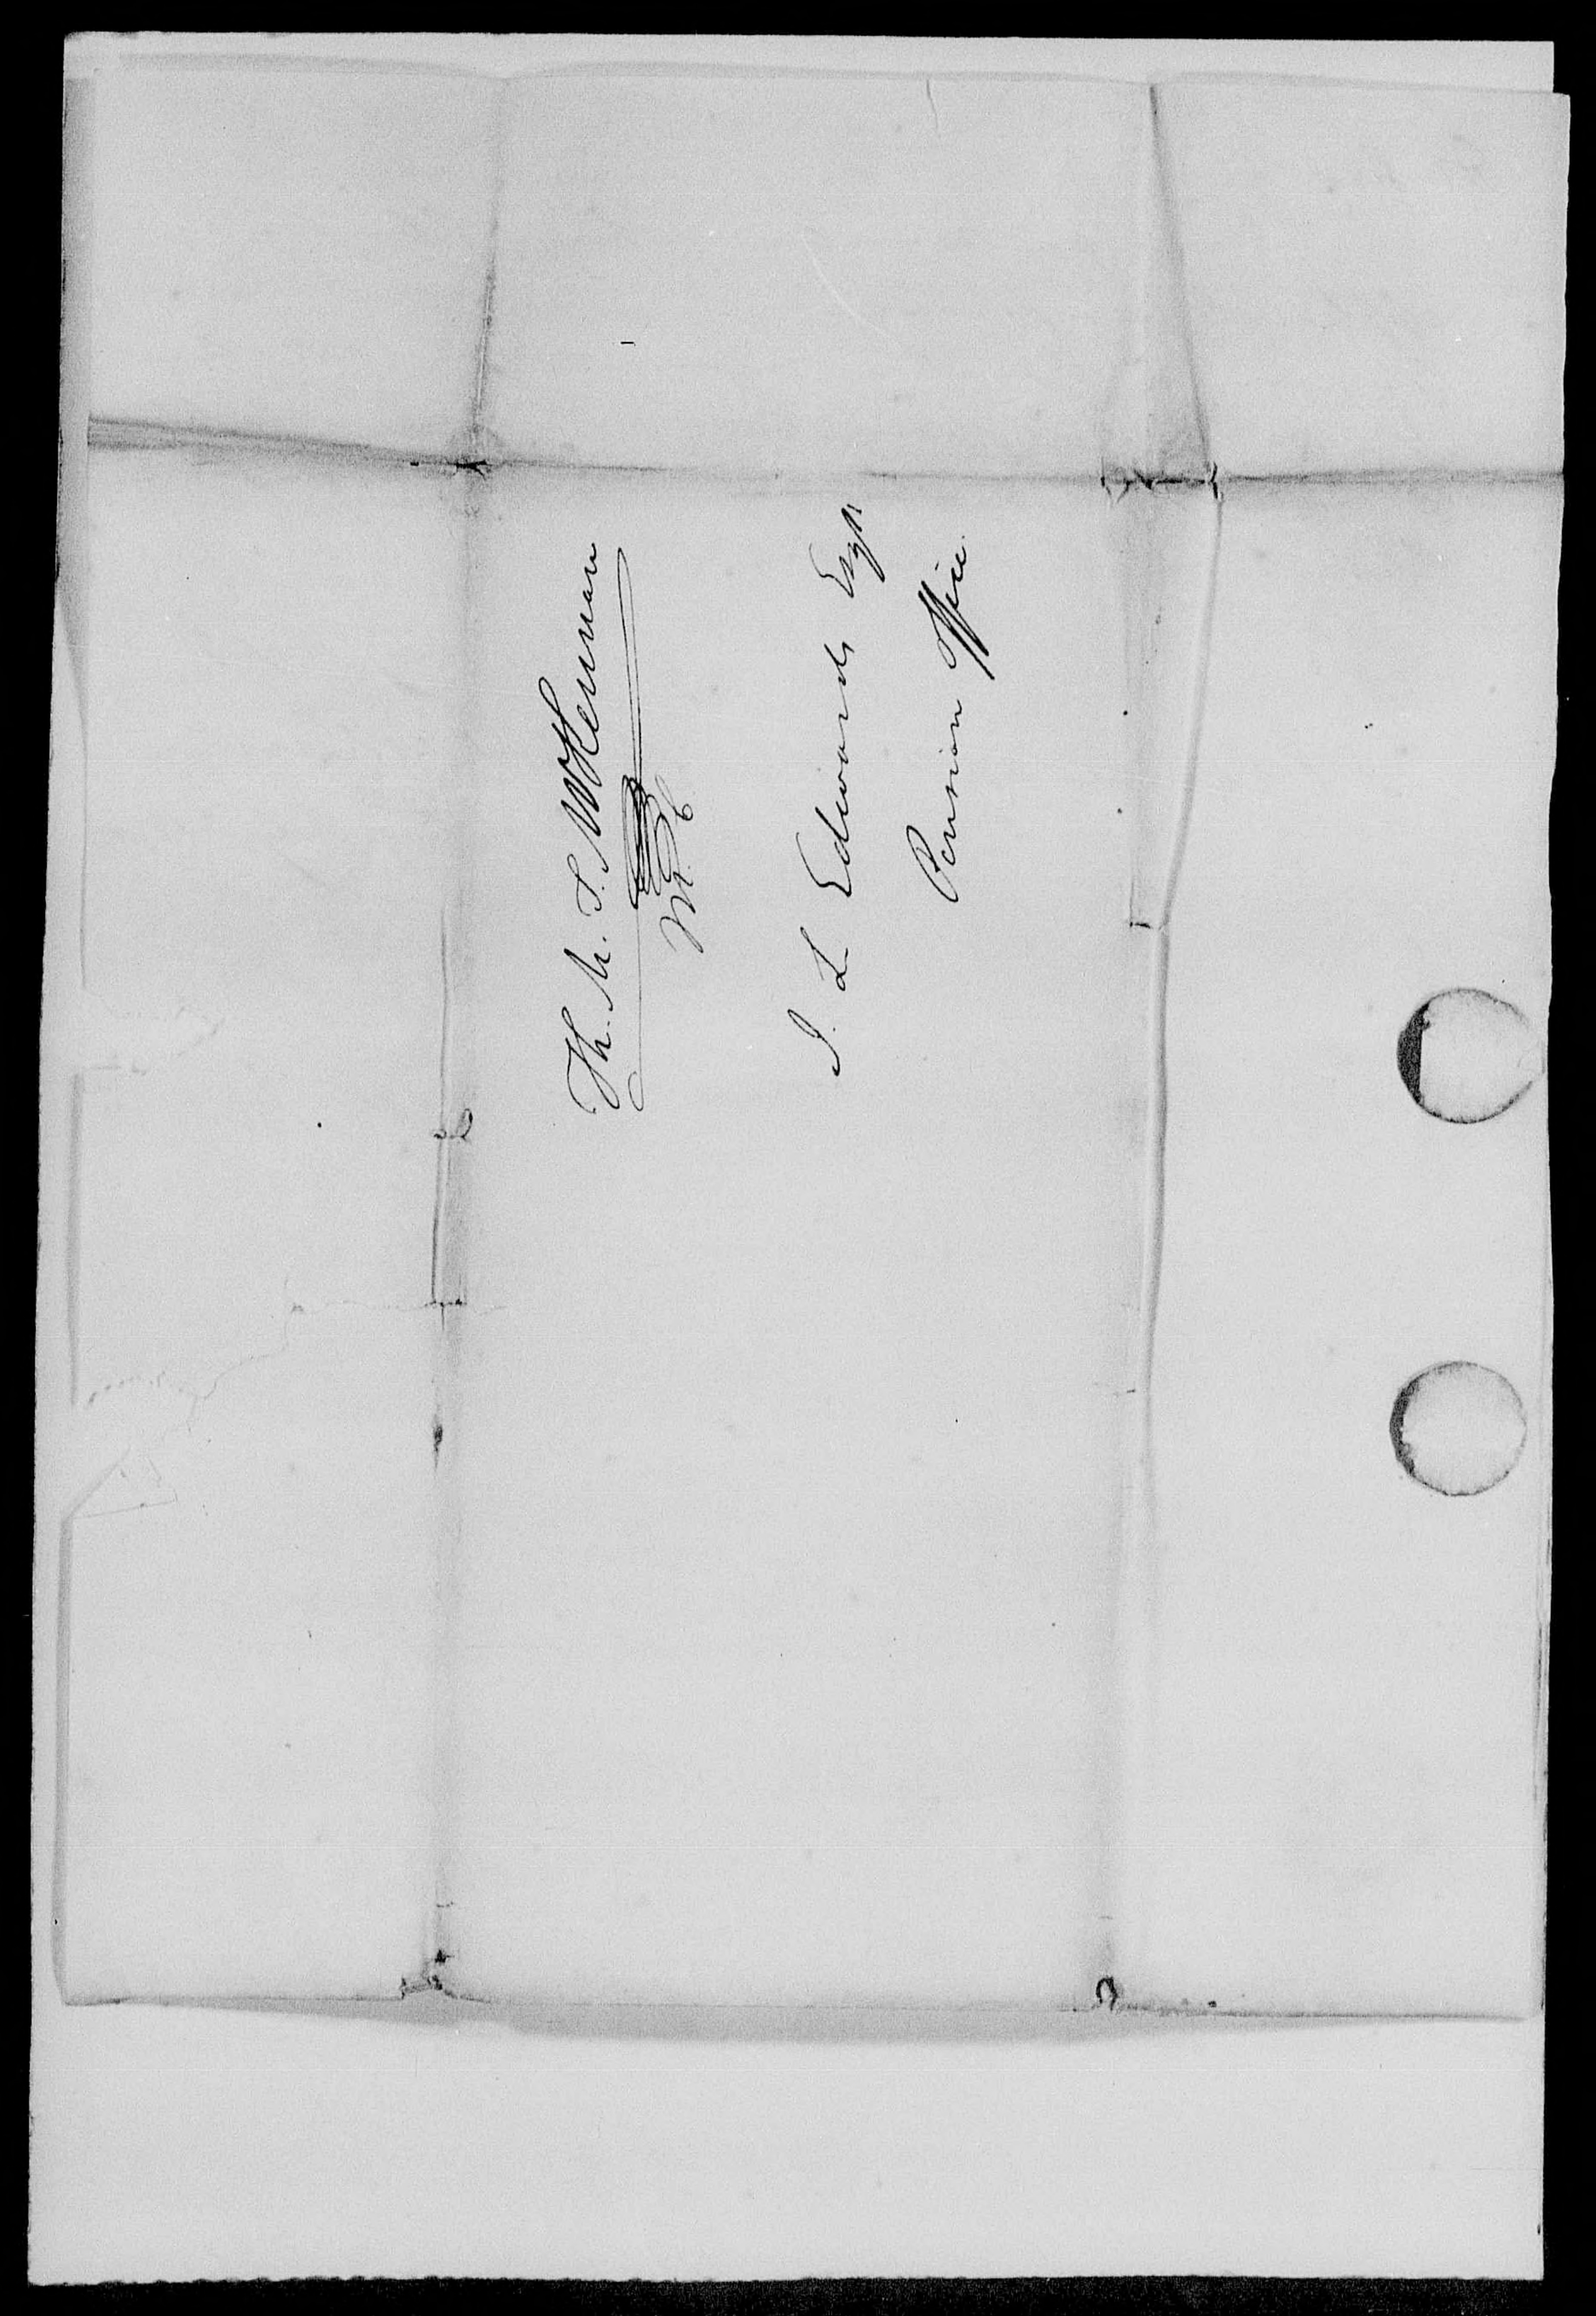Th. M. L. McKennan
M. C.

J. L. Edwards Esqr.
Pension Office.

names: Th M T Mc Kennan, J L Edwards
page: 12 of 23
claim: survivor's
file: S. 3167, Peter Coe, New Jersey Penn.